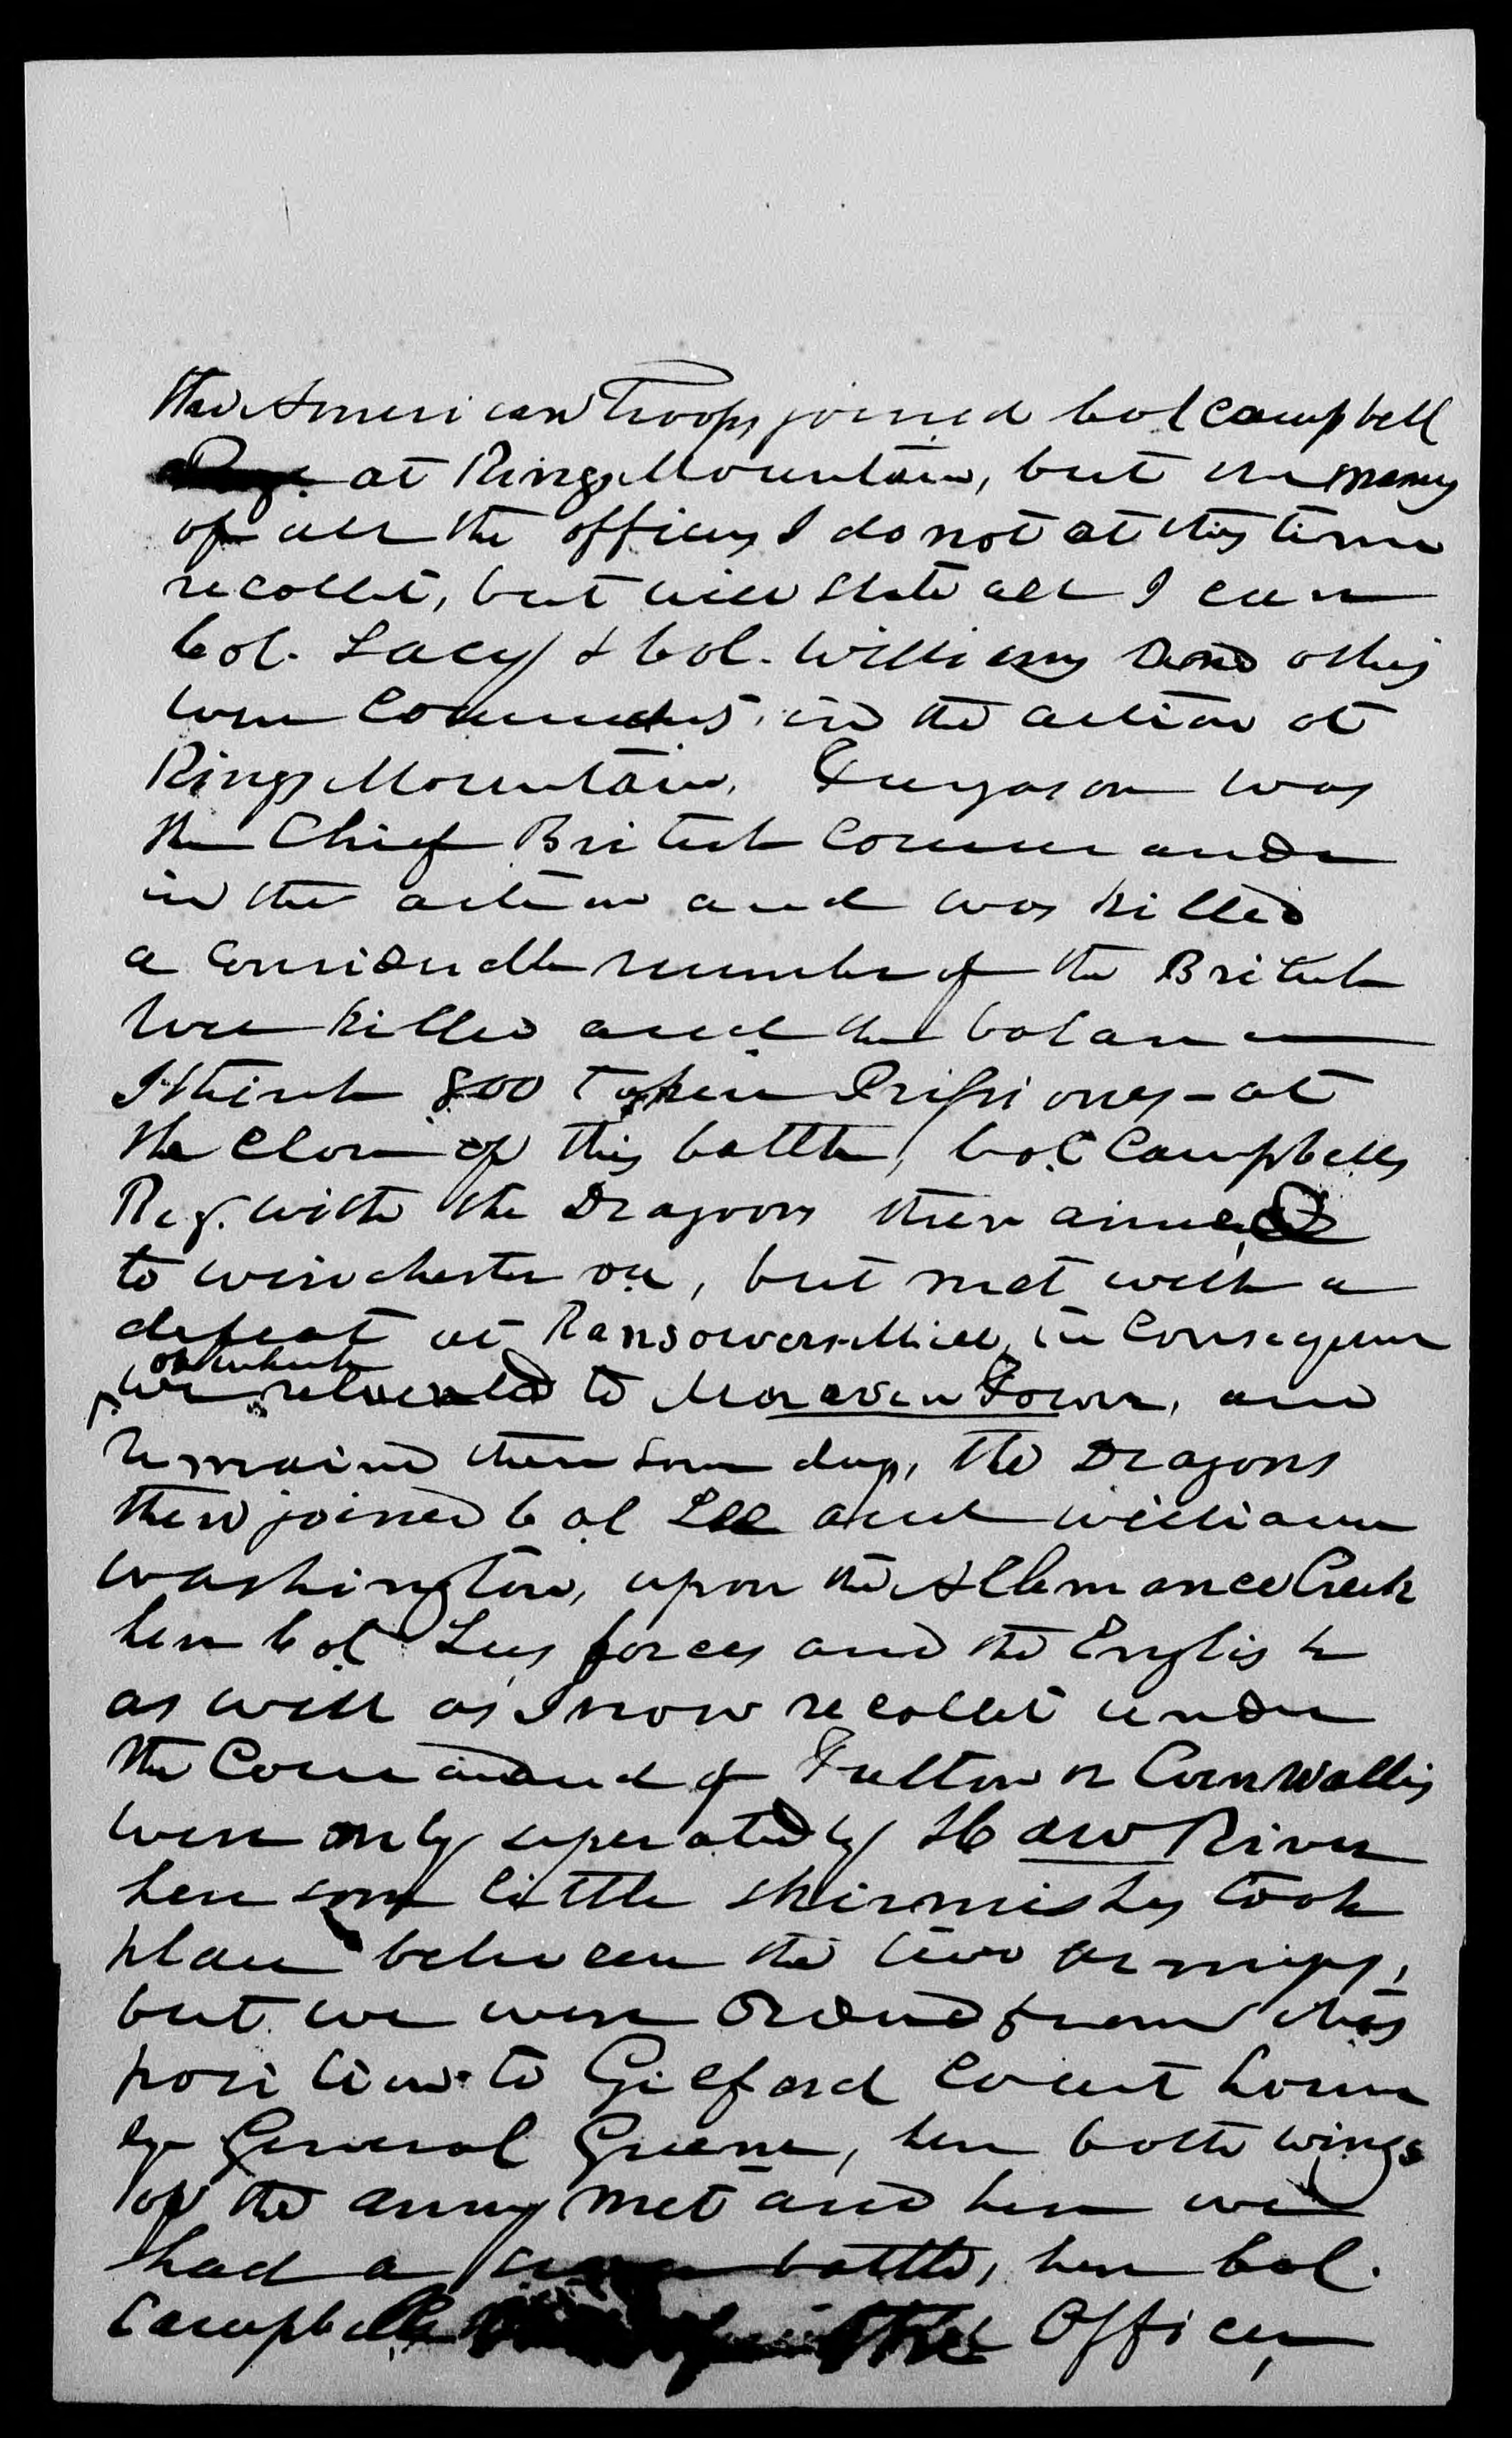The American Troops joined Col Campbell Reg at Kings Mountain, but many of all the officers I do not at this time recollect, but will state all I can. Col. Lacy [and] Col. Williams and others were commanders in the action at Kings Mountain. Furgason was then Chief British commander in the action and was killed a considerable number of the British were killed and the Col and I think 800 taken prissioner [prisoner] – at the close of this battle, Col. Campbell Reg. with the Dragoons then aimed to winchester va, but met with a defeat at Ramsour’s Mill in consequence [illegible] we retreated to [illegible], and remained there four days, the Dragons then joined Col. Lee and Williams Washington, upon the Allemance Creek then Col. Lees forces and the English as well as I now recollect under the command of Fulton or Cornwallis were only separated by 26 [illegible] River then some little skirmishes took place between the [illegible], but we were ordered from this position to Gilford courthouse by General Greene, then both wings of the army met and then we had a [smudged][illegible] battle, then Col. Campbell [smudged][illegible] the officer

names: Campbell, Williams, Greene, Lucy, Washington, Williams, Furgason, Lee, Campbell, Lee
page: 8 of 18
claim: survivor's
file: S. 15,846, James Fugate, Va.